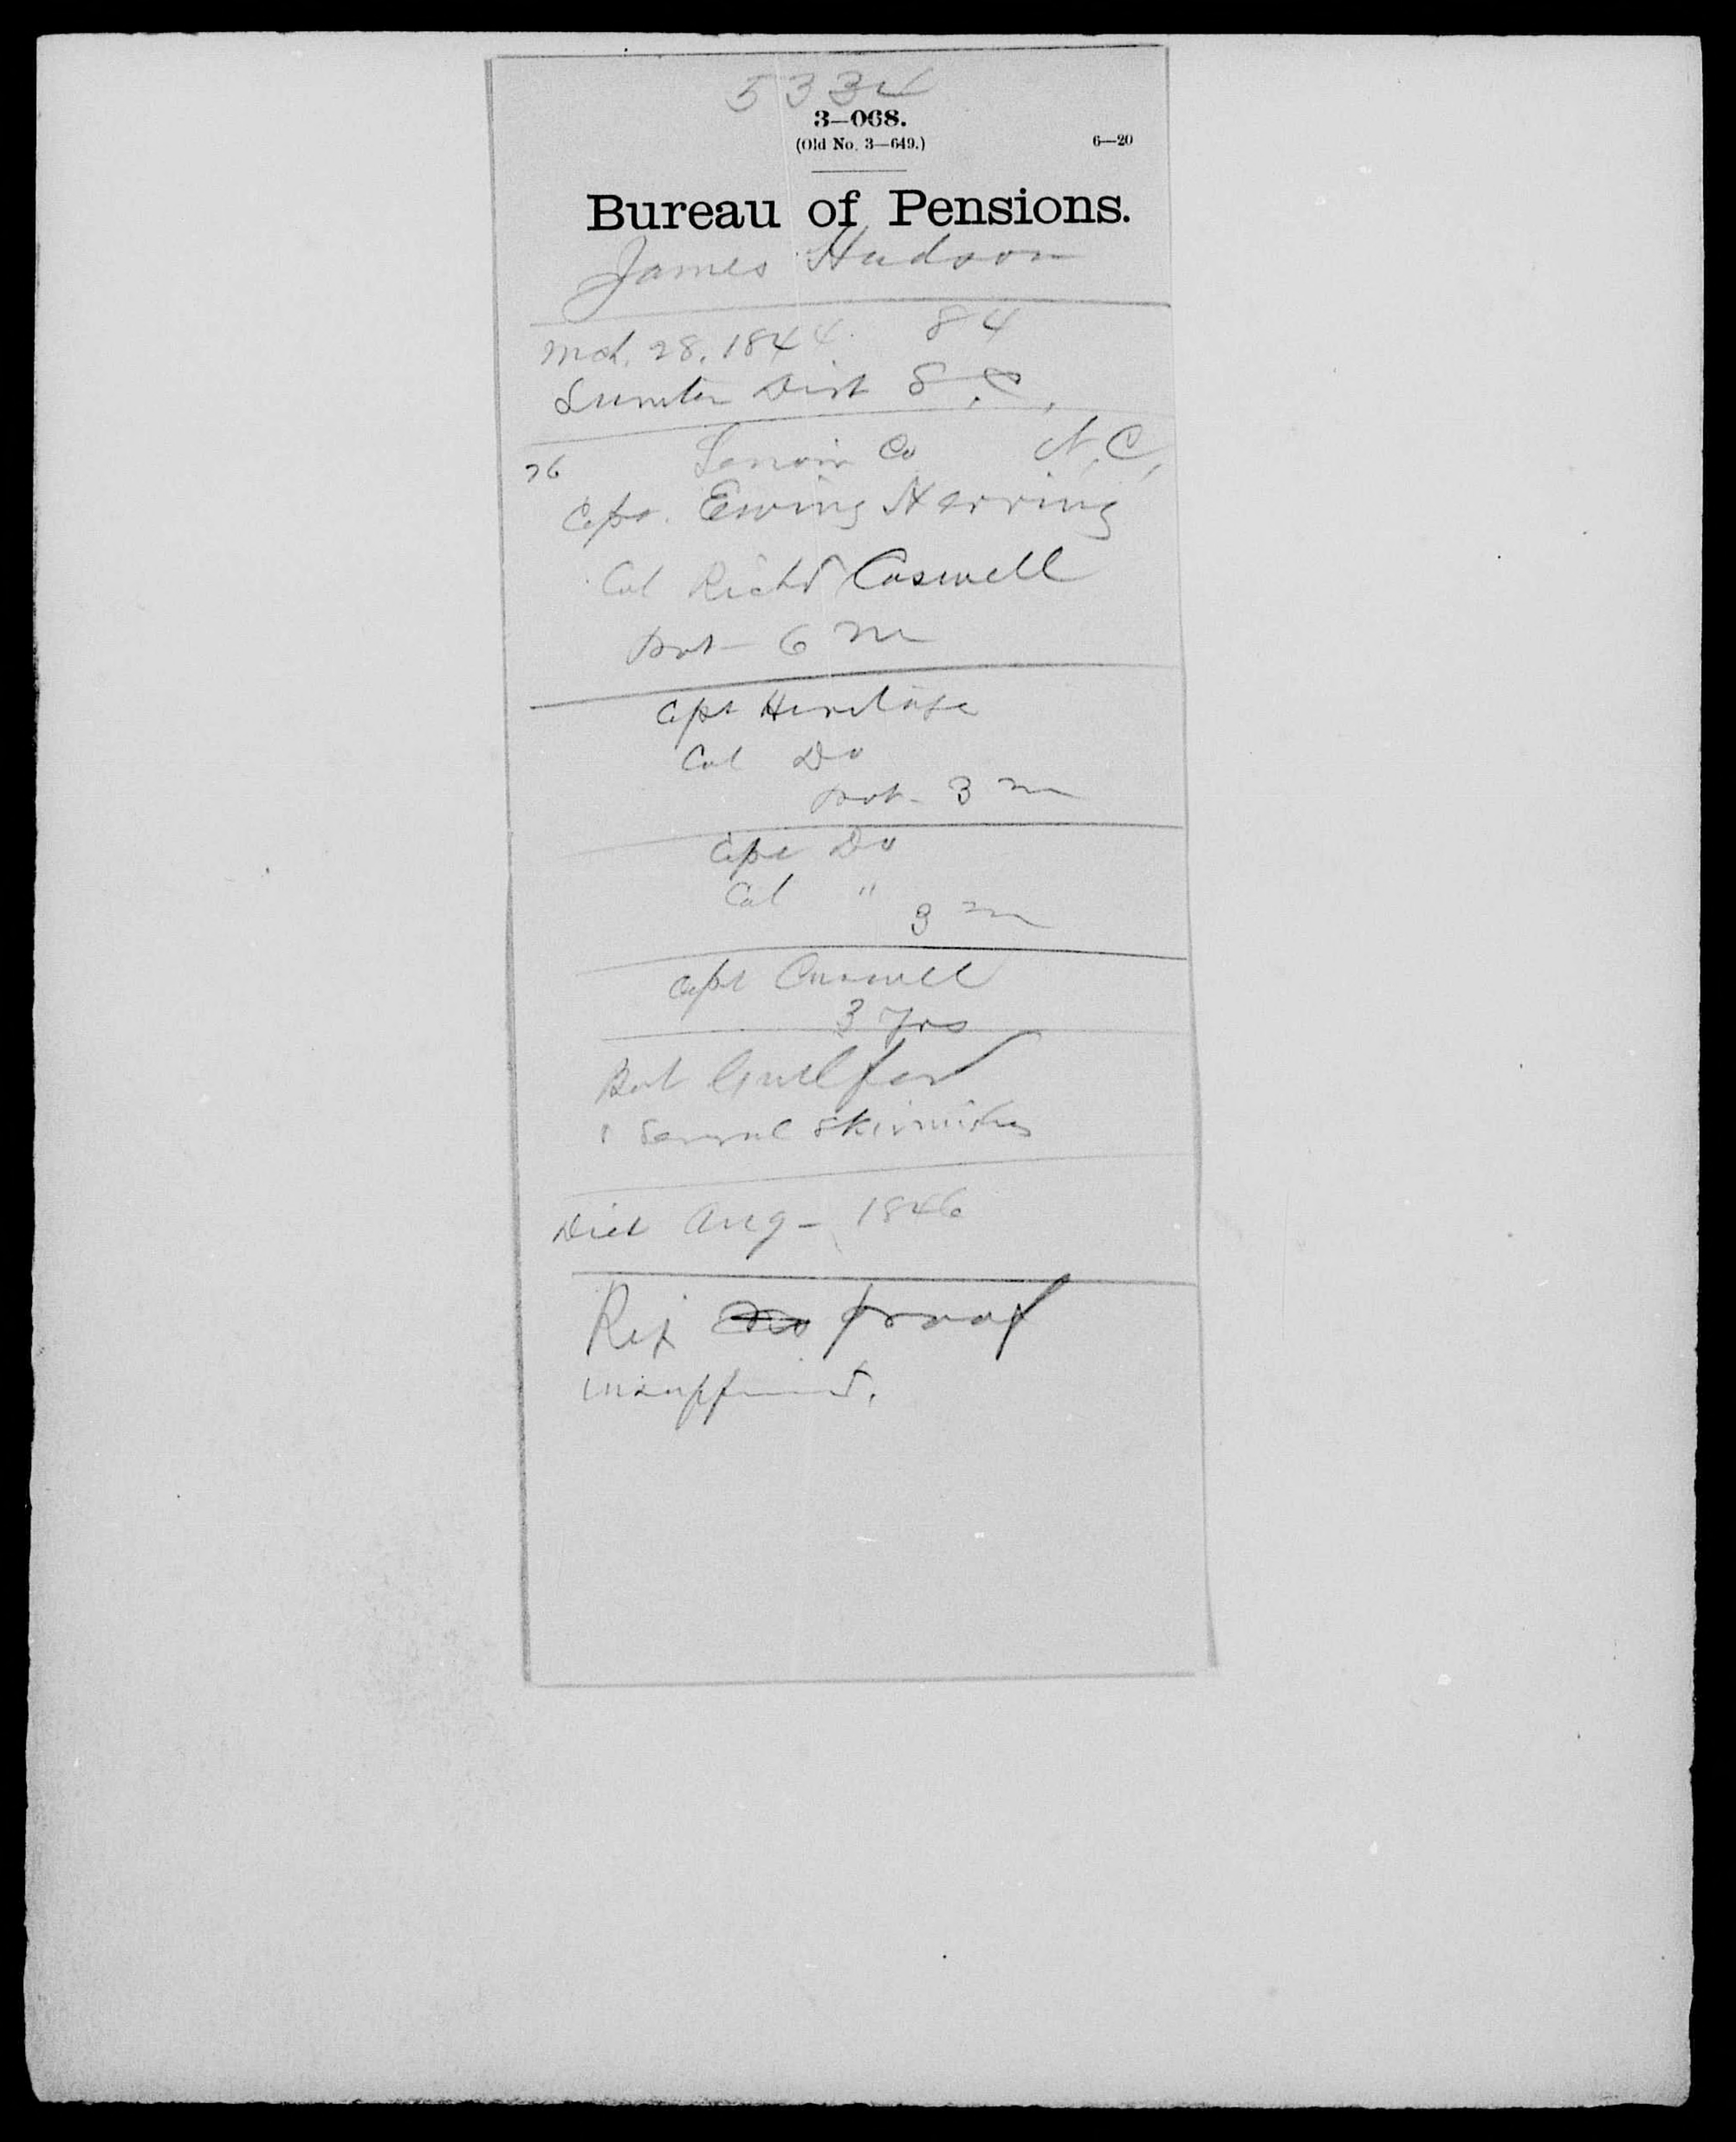Bureau of Pensions.
James Hudson
Mch. 28, 1844. 84
Sumter Gist S.C.
Pension Co. N. C.
C.ps. Erving Herring
Crl. Richard Caswell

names: Erving Herring, James Hudson, Richd Caswell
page: 20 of 33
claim: rejected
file: R. 5334, James Hudson, N.C.